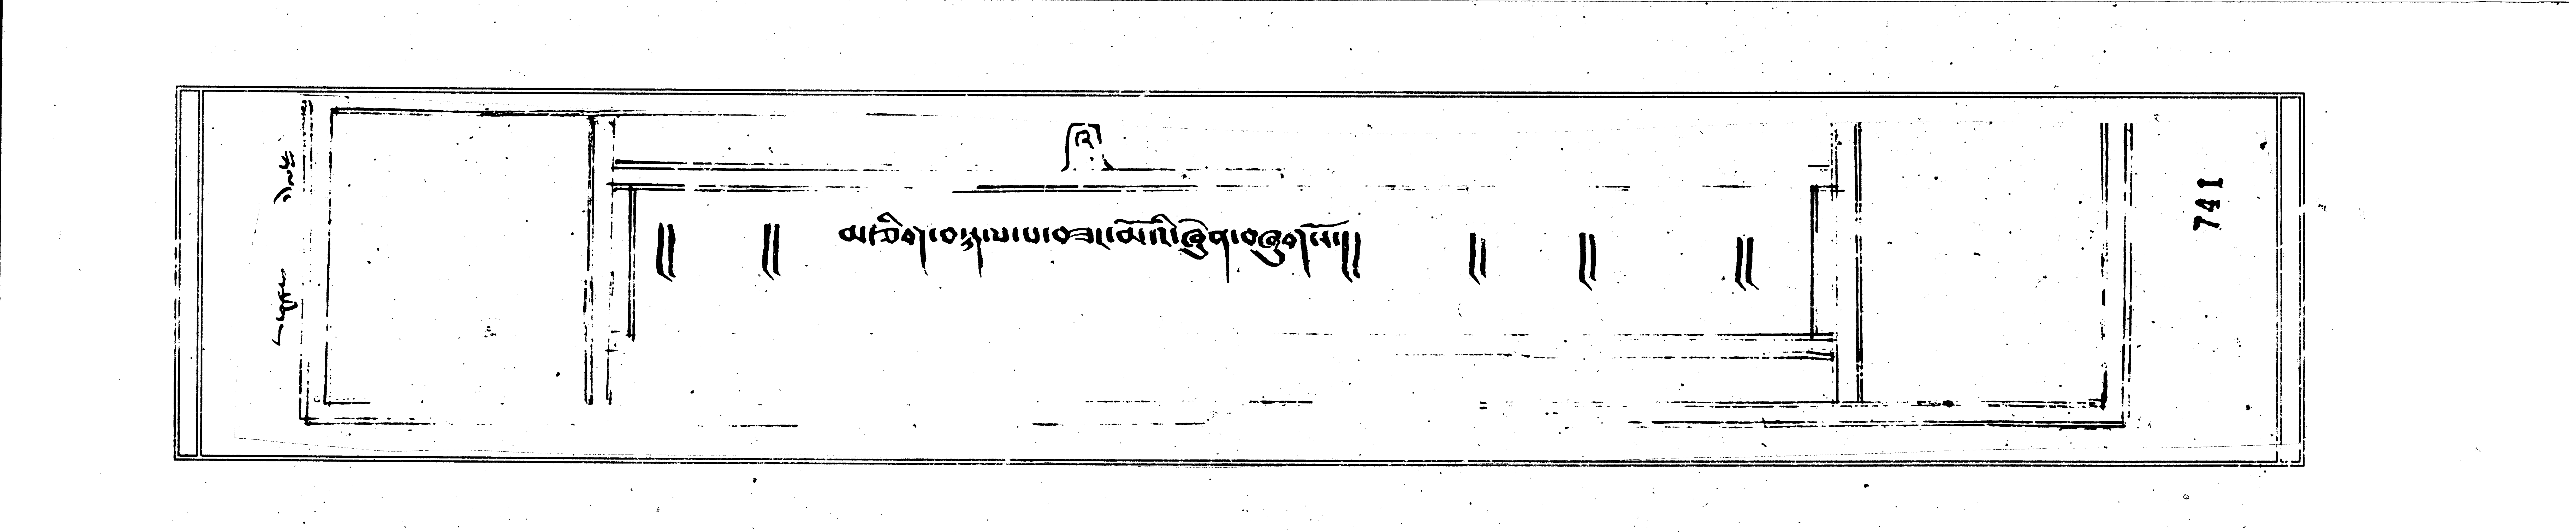༼འ༽།།མ་ཅིག་བསྐལ་པ་བཟང་མོའི་ཞུ་ལེན་བཞུགས་སོ།།